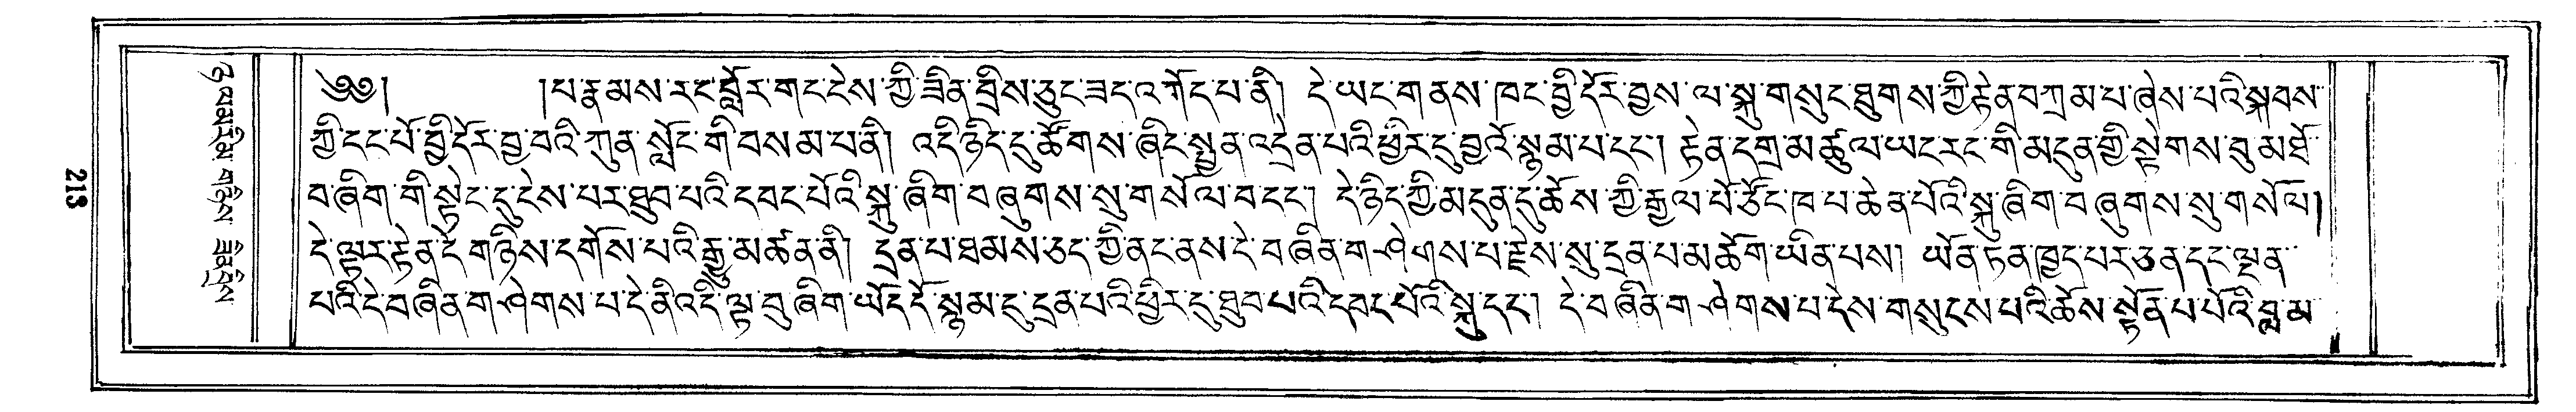༄༅། །པ་རྣམས་རང་བློར་གང་ངེས་ཀྱི་ཟིན་བྲིས་ཅུང་ཟད་འགོད་པ་ནི། དེ་ཡང་གནས་ཁང་བྱི་དོར་བྱས་ལ་སྐུ་གསུང་ཐུགས་ཀྱི་རྟེན་བཀྲམ་པ་ཞེས་པའི་སྐབས་
ཀྱི་དང་པོ་བྱི་དོར་བྱ་བའི་ཀུན་སློང་གི་བསམ་པ་ནི། འདི་ཉིད་དུ་ཚོགས་ཞིང་སྤྱན་འདྲེན་པའི་ཕྱིར་དུ་བྱའོ་སྙམ་པ་དང་། རྟེན་དགྲམ་ཚུལ་ཡང་རང་གི་མདུན་གྱི་སྟེགས་བུ་མཐོ་
བ་ཞིག་གི་སྟེང་དུ་ངེས་བར་ཐུབ་པའི་དབང་པོའི་སྐུ་ཞིག་བཞུགས་སུ་གསོལ་བ་དང་། དེ་ཉིད་ཀྱི་མདུན་དུ་ཆོས་ཀྱི་རྒྱལ་པོ་ཙོང་ཁ་པ་ཆེན་པོའི་སྐུ་ཞིག་བཞུགས་སུ་གསོལ་
དེ་ལྟར་རྟེན་དེ་གཉིས་དགོས་པའི་རྒྱུ་མཚན་ནི། དྲན་པ་ཐམས་ཅད་ཀྱི་ནང་ནས་དེ་བཞིན་གཤེགས་པ་རྗེས་སུ་དྲན་པ་མཆོག་ཡིན་པས། ཡོན་ཏན་ཁྱད་པར་ཅན་དང་ལྡན་
པའི་དེ་བཞིན་གཤེགས་པ་དེ་ནི་འདི་ལྟ་བུ་ཞིག་ཡོད་དོ་སྙམ་དུ་དྲན་པའི་ཕྱིར་དུ་ཐུབ་པའི་དབང་པོའི་སྐུ་དང་། དེ་བཞིན་གཤེགས་པ་དེས་གསུངས་པའི་ཆོས་སྟོན་པ་པོའི་བླ་མ་